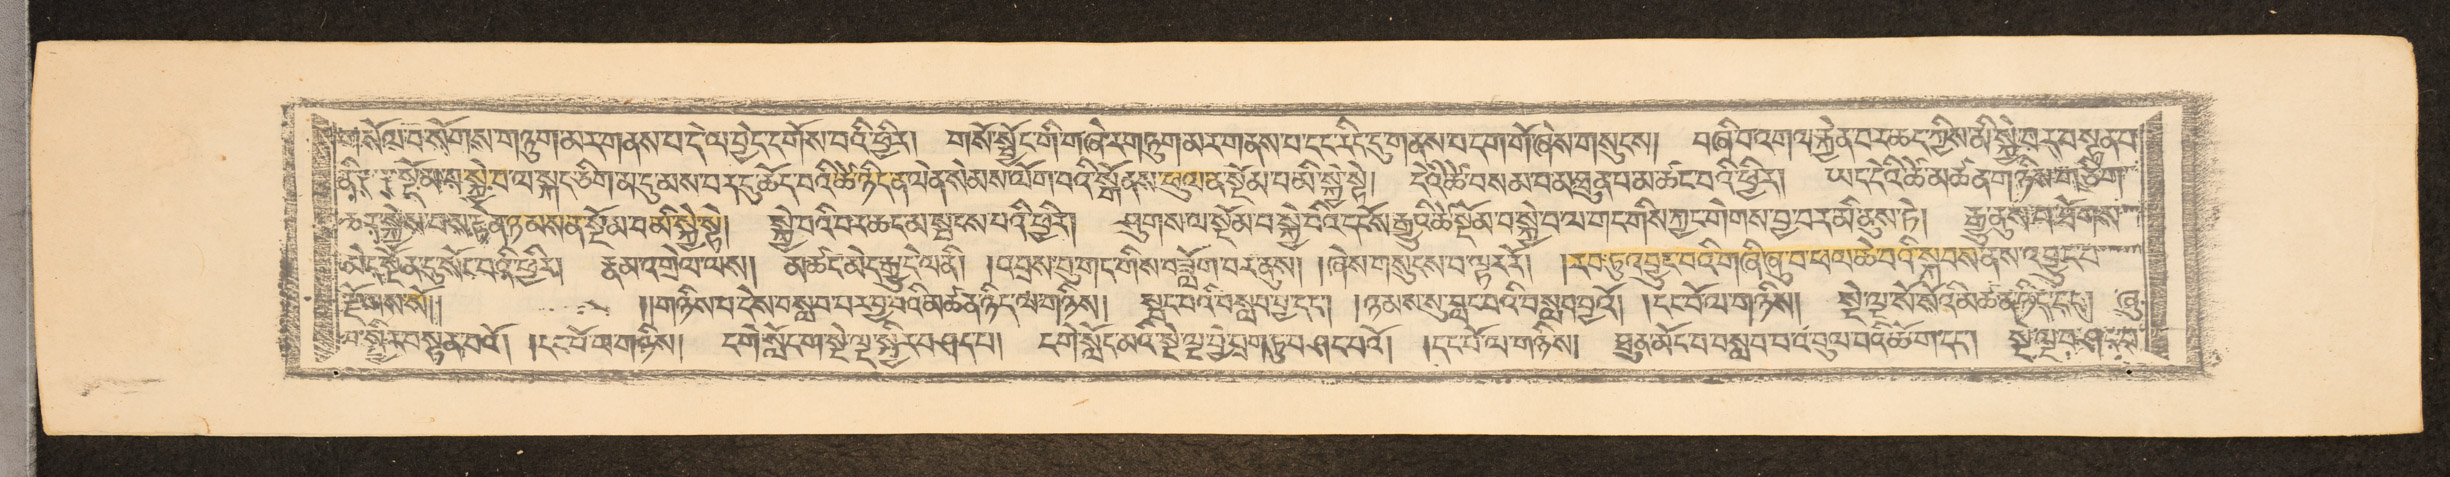གསོལ་བ་སོགས་གཉུག་མར་གནས་པ་དེ་ལ་བྱེད་དགོས་པའི་ཕྱིར། གསོ་སྦྱོང་གི་གཞིར་གཉུག་མར་གནས་པ་དང་རིང་དུ་གནས་པ་དག་གོ་ཞེས་གསུངས། བཞི་པ་འགལ་རྐྱེན་བར་ཆད་ཀྱིས་མི་སྐྱེ་བར་བསྟན་པ་
ནི༑ སྡོམ་པ་སྐྱེ་བ་ལ་སྐང་ཅིག་མ་དུ་མས་བར་དུ་ཆོད་པའི་ཚེ་ཉིད་ན་ལེན་སེམས་ལོག་པའི་སྒོ་ནས་ཕུལ་ན་སྔོམ་པ་མི་སྐྱེ་སྟེ། དེའི་ཚེ་བསམ་པ་མཐུན་པ་མ་ཚང་བའི་ཕྱིར། ཡང་དེའི་ཚེ་མཚན་གཉིས་གཅིག་
ཆར་སྐྱེས་པས་རྟེན་ཉམས་ན་སྡོམ་པ་མི་སྐྱེ་སྟེ། སྐྱེ་བའི་བར་ཆད་མ་སྤངས་པའི་ཕྱིར། ཤུགས་ལ་སྡོམ་པ་སྐྱེ་བའི་དངོས་རྒྱུའི་ཚེ་སྡོམ་པ་སྐྱེ་བ་ལ་གང་གིས་ཀྱང་གེགས་བྱ་བར་མི་ནུས་ཏེ། རྒྱུ་ནུས་པ་ཐོགས་
མེད་སྔོན་དུ་སོང་བའི་ཕྱིར། རྣམ་འགྲེལ་ལས། མ་ཚང་མེད་རྒྱུ་དེ་ལ་ནི། །འབྲས་བུ་གང་གིས་བཟློག་པར་ནུས། །ཞེས་གསུངས་པ་ལྟར་རོ། །རབ་ཏུ་འབྱུང་བའི་གཞི་ཞུ་བ་ཕལ་ཆེ་བའི་སྐབས་ནས་འབྱུང་བ་
རྫོགས་སོ།། །།གཉིས་པ་དེས་བསླབ་པར་བྱ་བའི་མཚན་ཉིད་ལ་གཉིས། སྤང་བའི་བསླབ་བྱ་དང་། ཉམས་སུ་བླང་བའི་བསླབ་བྱའོ། །དང་པོ་ལ་གཉིས། སྡེ་ལྔ་སོ་སོའི་མཚན་ཉིད་དང་། ཞུ་
པ་སྤྱིར་བསྟན་པའོ། །དང་པོ་ལ་གཉིས། དགེ་སློང་གི་སྡེ་ལྔ་སྦྱིར་བཤད་པ། དགེ་སློང་མའི་སྡེ་ལྔ་བྱེ་བྲག་ཏུ་བཤད་པའོ། །དང་པོ་ལ་གཉིས། ཐུན་མོང་བ་བསླབ་པ་འབུལ་བའི་ཆོ་ག་དང་། སྡེ་ལྔ་བཤད་པ་